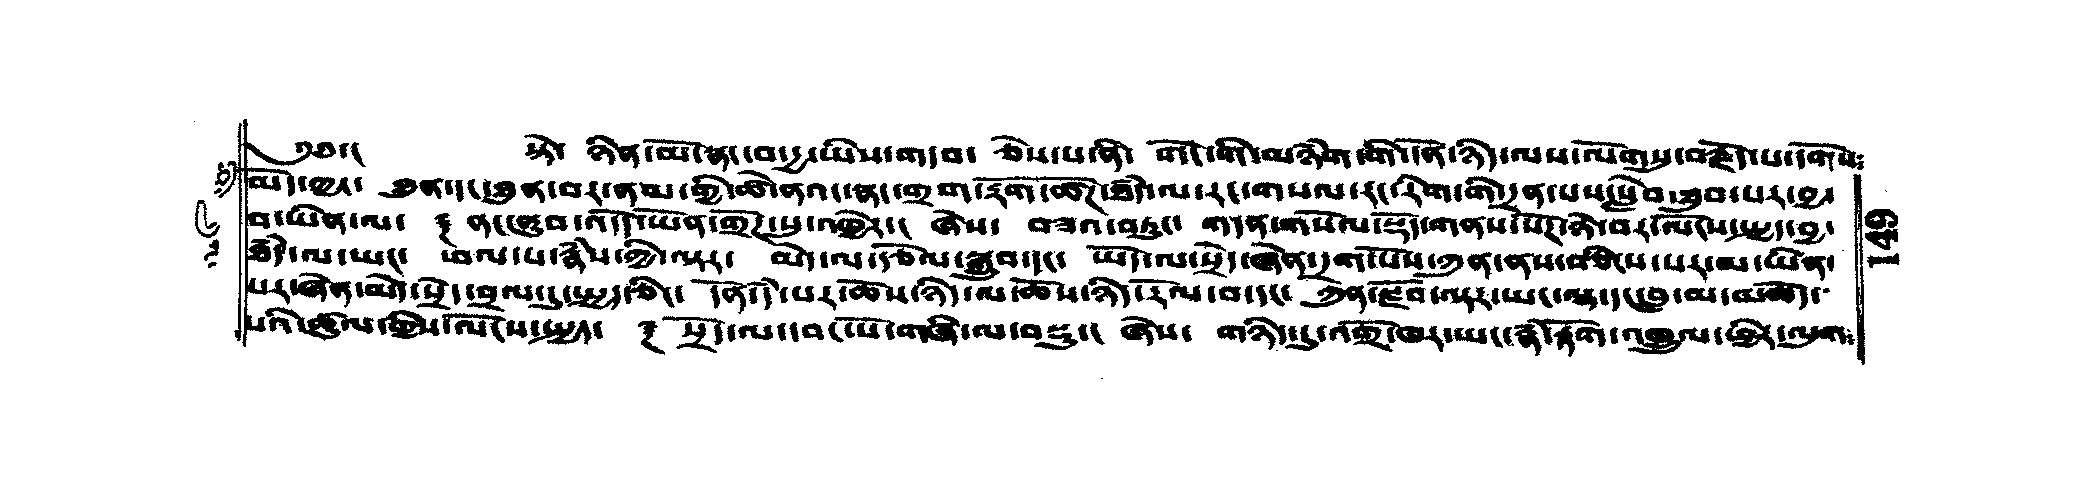སྟེ། ཉིན་མོ་སྣང་བ་རྒྱ་ཡིས་གདབ། ཅེས་པ་ནི། གོང་གི་མཉམ་བཞག་གི་དོན་ཉིད་ལས་ལོགས་སུ་བརྗོད་པ་དགོས་
མོད་ཀྱང་། ཐུན་དང་ཐུན་བར་ནམ་གྱི་ཚེ་ནའང་སྣང་གྲགས་རྟོག་ཚོགས་ཐམས་ཅད་ལ་རང་གསལ་རང་རིག་གི་དྲན་པས་སླེབ་ཐུབ་པར་བྱ་
བ་ཡིན་ལ། ནང་ནུབ་འདོད་ཡོན་གྲོགས་སུ་འཁྱེར། ཞེས། བཟའ་བཏུང་། གདན་གསོལ་སྡོད་གནས་སོགས་ཉེ་བར་ལོངས་སྤྱད་བྱ་
ཐམས་ཅད་ལ་ཡང་། ཕལ་པ་རྣམས་ཀྱི་ལྟར་མེད་ལ་རྩོལ་སྒྲུབ་དང་། ཡོད་ལ་སྲེད་ཞེན་དྲག་པོས་ཀུན་ནས་བཅིངས་པ་མ་ཡིན་
པར་ཞེན་མེད་སྲེད་བྲལ་དུ་སྤྱད་ཅིང་། དོན་དམ་པར་ཆོས་ཉིད་ལ་ཆོས་ཉིད་རོལ་བ་དང་། ཀུན་རྫོབ་ལྟར་ཡང་ལྷ་དང་བླ་མ་མཆོད་
པའི་ཚུལ་གྱིས་ལོངས་སྤྱད། སྲོད་ལ་དབང་པོ་གཞི་ལ་བསྡུ། ཞེས། གཉིད་དུ་འགྲོ་ཁར་ཡང་རྣམ་རྟོག་འཁྲུལ་ཕྱིར་ལུག་